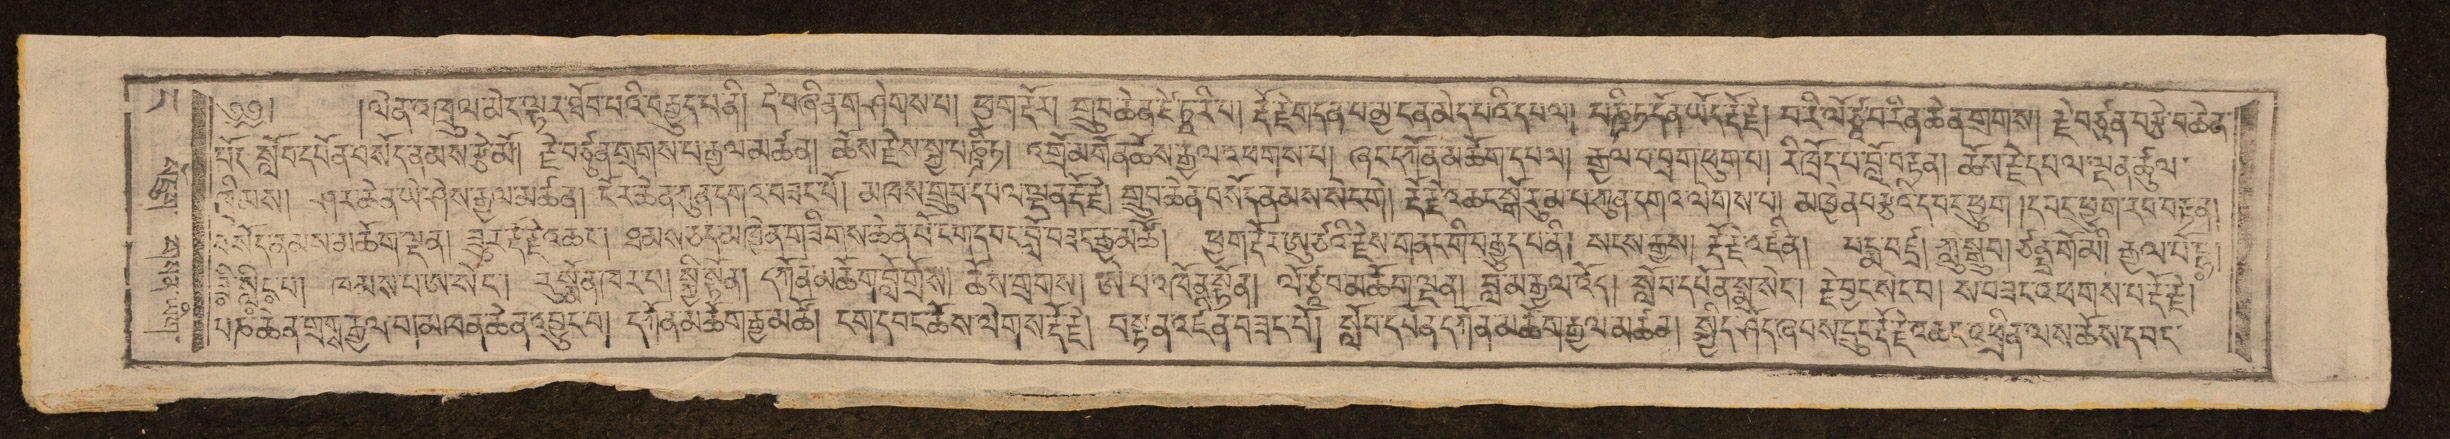༄༅། །ལེན་འཁྲུལ་མེད་ལྟར་ཐོབ་པའི་བརྒྱུད་པ་ནི། དེ་བཞིན་གཤེགས་པ། ཕྱག་རྡོར། གྲུབ་ཆེན་ཛེ་ཏཱ་རི་པ། རྡོ་རྗེ་གདན་པ་མྱ་ངན་མེད་པའི་དཔལ། པཎྜི་ཏ་དོན་ཡོད་རྡོ་རྗེ། བ་རི་ལོ་ཙཱ་བ་རིན་ཆེན་གྲགས། རྗེ་བཙུན་བརྩེ་བ་ཆེན་
པོ༑ སློབ་དབོན་བསོད་ནམས་རྩེ་མོ། རྗེ་བཙུན་གྲགས་པ་རྒྱལ་མཚན། ཆོས་རྗེས་སྐྱ་པཎྜི་ཏ། འགྲོ་མགོན་ཆོས་རྒྱལ་འཕགས་པ། ཞང་དཀོན་མཆོག་དཔལ། རྒྱལ་བ་བྲག་ཕུག་པ། རི་ཁྲོད་པ་བློ་བརྟན། ཆོས་རྗེ་དཔལ་ལྡན་ཚུལ་
ཁྲིམས། ཤར་ཆེན་ཡེ་ཤེས་རྒྱལ་མཚན། ངོར་ཆེན་ཀུན་དགའ་བཟང་པོ། མཁས་གྲུབ་དཔལ་ལྡན་རྡོ་རྗེ། གྲུབ་ཆེན་བསོད་ནམས་སེང་གེ། རྡོ་རྗེ་འཆང་སྒོ་རུམ་པ་ཀུན་དགའ་ལེགས་པ། མཁྱེན་བརྩེའི་དབང་ཕྱུག །དབང་ཕྱུག་རབ་བརྟན།
བསོད་ནམས་མཆོག་ལྡན། ཟུར་རྡོ་རྗེ་འཆང་། ཐམས་ཅད་མཁྱེན་གཟིགས་ཆེན་པོ་ངག་དབང་བློ་བཟང་རྒྱ་མཚོ། ཕྱག་རྡོར་ཨུ་ཙི་ཆེས་གནང་གི་བརྒྱུད་པ་ནི་སངས་རྒྱས། རྡོ་རྗེ་འཛིན། པདམ་བྫྲ། ཀླུ་སྒྲུབ། ཙནྡྲ་གོ་མི། རྒྱལ་པོ་དྷ།
ཟི་སླིང་པ། ཁམས་པ་ཨ་སེང་། རུ་སྨོན་ཁར་པ། སྐྱི་སྟོན། དཀོན་མཆོག་བློ་གྲོས། ཆོས་གྲགས། ཨེ་པ་འཁོན་སྟོན། ལོ་ཙཱ་བ་མཆོག་ལྡན། བླ་མ་རྒྱལ་འོད། སློབ་དཔོན་སྨྲ་སེང་། རྗེ་བྱང་སེང་བ། ས་བཟང་འཕགས་པ་རྡོ་རྗེ།
པཎ་ཆེན་གྲགས་རྒྱལ་བ། མཁན་ཆེན་འབྱུང་བ། དཀོན་མཆོག་རྒྱ་མཚོ། ངག་དབང་ཆོས་ལེགས་རྡོ་རྗེ། བསྟན་འཛིན་བཟང་པོ། སློབ་དཔོན་དཀོན་མཆོག་རྒྱལ་མཚན། སྐྱིད་ཤོད་ཞབས་དྲུང་རྡོ་རྗེ་འཆང་འཕྲིན་ལས་ཆོས་དབང་